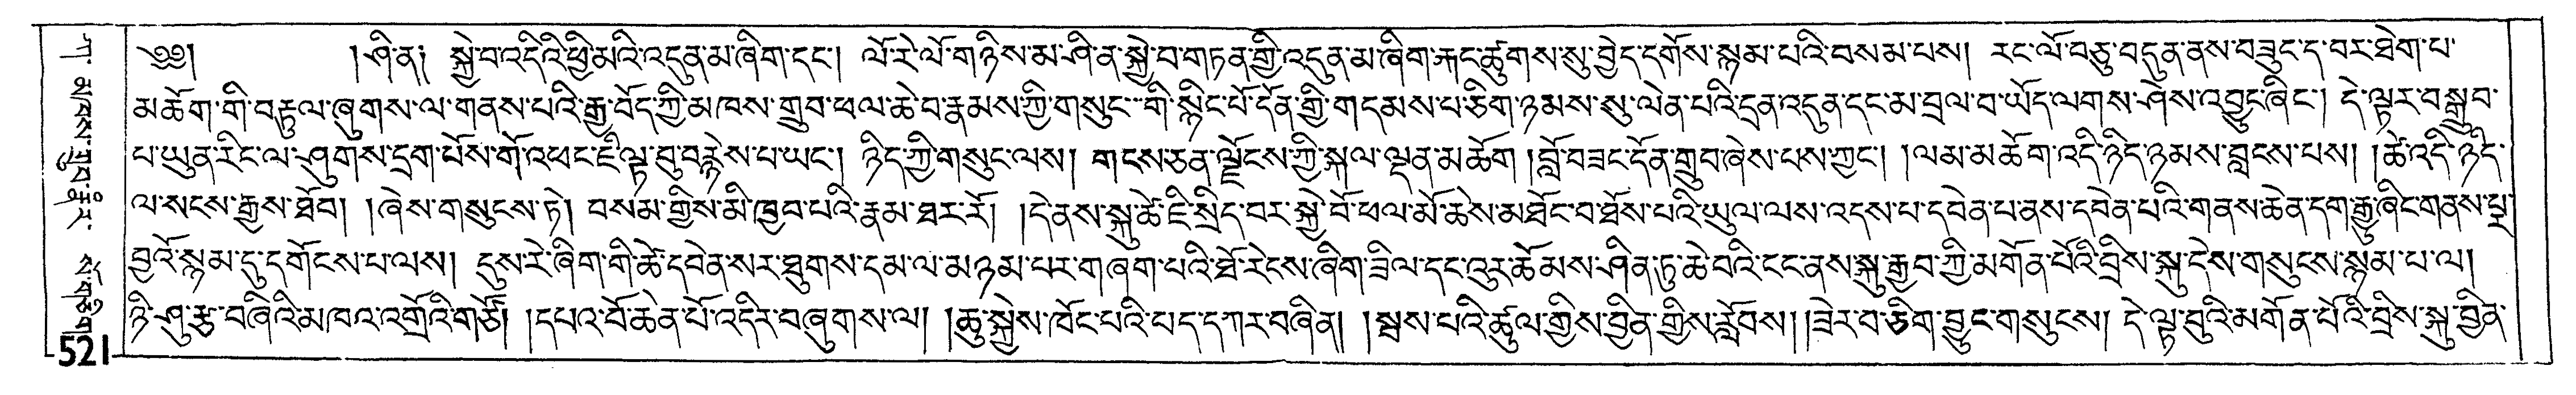༄༅། །ཤི་ན། སྐྱེ་བ་འདིའི་ཕྱི་མའི་འདུན་མ་ཞིག་དང་། ལོ་རེ་ལོ་གཉིས་མ་ཤི་ན་སྐྱེ་བ་གཏན་གྱི་འདུན་མ་ཞིག་རྐང་ཚུགས་སུ་བྱེད་དགོས་སྙམ་པའི་བསམ་པས། རང་ལོ་བཅུ་བདུན་ནས་བཟུང་ད་བར་ཐེག་པ་
མཆོག་གི་བརྟུལ་ཞུགས་ལ་གནས་པའི་རྒྱ་བོད་ཀྱི་མཁས་གྲུབ་ཕལ་ཆེ་བ་རྣམས་ཀྱི་གསུང་གི་སྙིང་པོ་དོན་གྱི་གདམས་པ་ཅིག་ཉམས་སུ་ལེན་པའི་དྲན་འདུན་དང་མ་བྲལ་བ་ཡོད་ལགས་ཤེས་འབྱུང་ཞིང་། དེ་ལྟར་བསྒྲུབ་
པ་ཡུན་རིང་ལ་ཤུགས་དྲག་པོས་གོ་འཕང་ཇི་ལྟ་བུ་བརྙེས་པ་ཡང་། ཉིད་ཀྱི་གསུང་ལས། གངས་ཅན་ལྗོངས་ཀྱི་སྐལ་ལྡན་མཆོག །བློ་བཟང་དོན་གྲུབ་ཞེས་པས་ཀྱང་། །ལམ་མཆོག་འདི་ཉིད་ཉམས་བླངས་པས། །ཚེ་འདི་ཉིད་
ལ་སངས་རྒྱས་ཐོབ། །ཞེས་གསུངས་ཏེ། བསམ་གྱིས་མི་ཁྱབ་པའི་རྣམ་ཐར་རོ། །དེ་ནས་སྐུ་ཚེ་ཇི་སྲིད་པར་སྐྱེ་བོ་ཕལ་མོ་ཆེས་མཐོང་བ་ཐོས་པའི་ཡུལ་ལས་འདས་པ་དབེན་པ་ནས་དབེན་པའི་གནས་ཆེན་དག་རྒྱུ་ཞིང་གནས་པར་
བྱའོ་སྙམ་དུ་དགོངས་པ་ལས། དུས་རེ་ཞིག་གི་ཚེ་དབེན་སར་ཐུགས་དམ་ལ་མཉམ་པར་གཞག་པའི་ཐོ་རེངས་ཞིག་ཟིལ་དང་འུར་ཆོམས་ཤིན་ཏུ་ཆེ་བའི་ངང་ནས་སྐུ་རྒྱབ་ཀྱི་མགོན་པོའི་བྲིས་སྐུ་དེས་གསུངས་སྙམ་པ་ལ།
ཉི་ཤུ་རྩ་བཞིའི་མཁའ་འགྲོའི་གཙོ། །དཔའ་བོ་ཆེན་པོ་འདིར་བཞུགས་ལ། །ཆུ་སྐྱེས་ཁོང་པའི་པད་དཀར་བཞིན། །སྦས་པའི་ཚུལ་གྱིས་བྱིན་གྱིས་རློབས། །ཟེར་བ་ཅིག་བྱུང་གསུངས། དེ་ལྟ་བུའི་མགོན་པོའི་བྲིས་སྐུ་བྱིན་